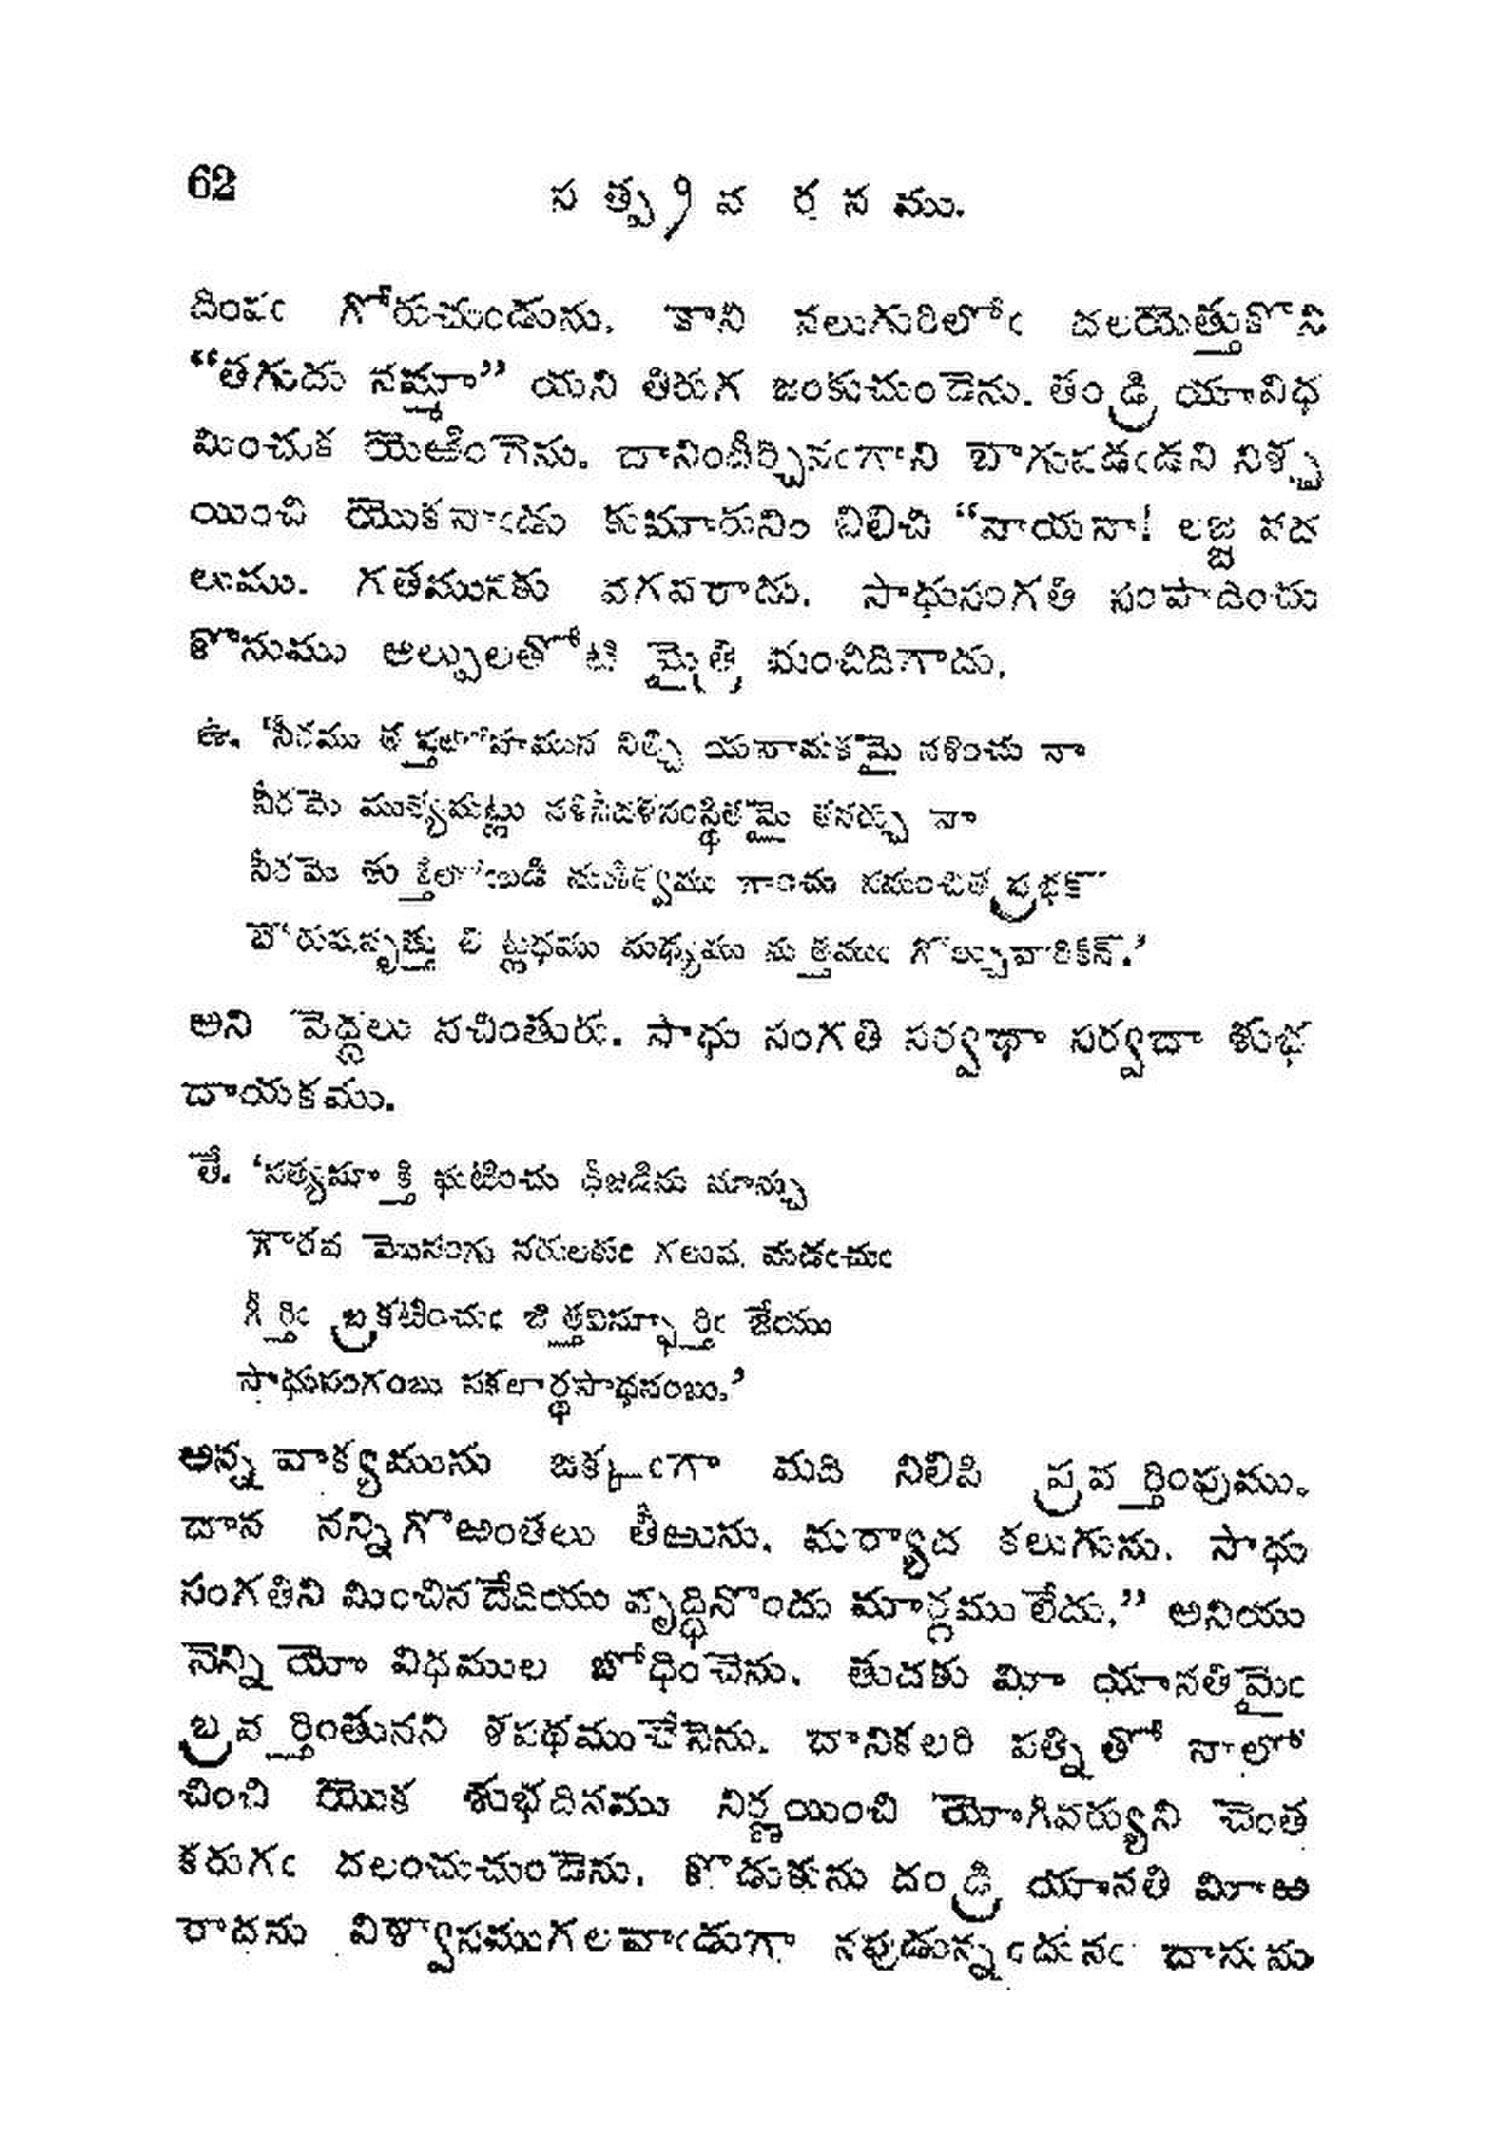దీంప గోరుచుండును. కానీ నలుగురిలోఁ దలయెత్తుకొని “తగుదు నమా” యని తిరుగ జంకుచుండెను. తండ్రి, యావిధ మించుక యెఱింగెను. చాసు. దానిందీర్చినంగాని బాగుపడఁడని నిశ్చయించి యొక నాడు కుమారునికి బిలిచి “నాయనా! లజ్ఞ వదలుము. గతమునకు వగవరాదు. సాధుసంగతి సంపాదించు గొనుము అల్పులతో మైత్రి మంచిదిగాదు, 

ఉ, 'నీరము దప్త లోహామున నిల్చి యనామకమై నశించు నా 
నీరమే ముత్యమట్లు స జ సంస్టీరమై తనర్చు నా 
నీరమె శుక్తిలోబడి మాణిక్యము గాంచు సంఘటించిత ప్రభన్
పౌరుషవృత్తు లి ట్లధము మధ్యము నుత్తము గోల్చవారికిన్.'

అని "పెద్దలు వచింతురు.. సాధు సంగతి సర్వదా సర్వదా శుభ దాయకము. 

"తే. 'సత్యసూక్తి ఘటించు ధీఱడిమ మార్చు
గౌరవ మొసంగు నరులకు గలువ, మడచు 
గీర్తి బ్రకటించుఁ జిత్తవిస్ఫూర్తీఁ జేయు 
సౌధుసుగంబు సకలార్థసాధనంబు." 

అన్న వాక్యమును జక్కఁగా మది నిలిపి ప్రవర్తింపుము. దాన నన్ని గొఱింతలు తీఆును, మర్యాద కలుగును. సాధు సంగతిని మించిన దేదియు వృద్ధినొందు మార్గము లేదు,” అనియు నెన్ని యో విధముల బోధించెను. తుదకు మీ యానతి మైం బవర్తింతునని శపథము చేసెను. దాని కలరి పత్నితో నాలో చించి యొక శుభదినము నిర్ణయించి 'యోగివర్వుని చెంత కరుగఁ దలంచుచుండెను. కొడుకును దండ్రి, యానతి మీఱి రాదను విశ్వాసముగలవాడుగా నపుడున్నఁ దనఁ దాసును